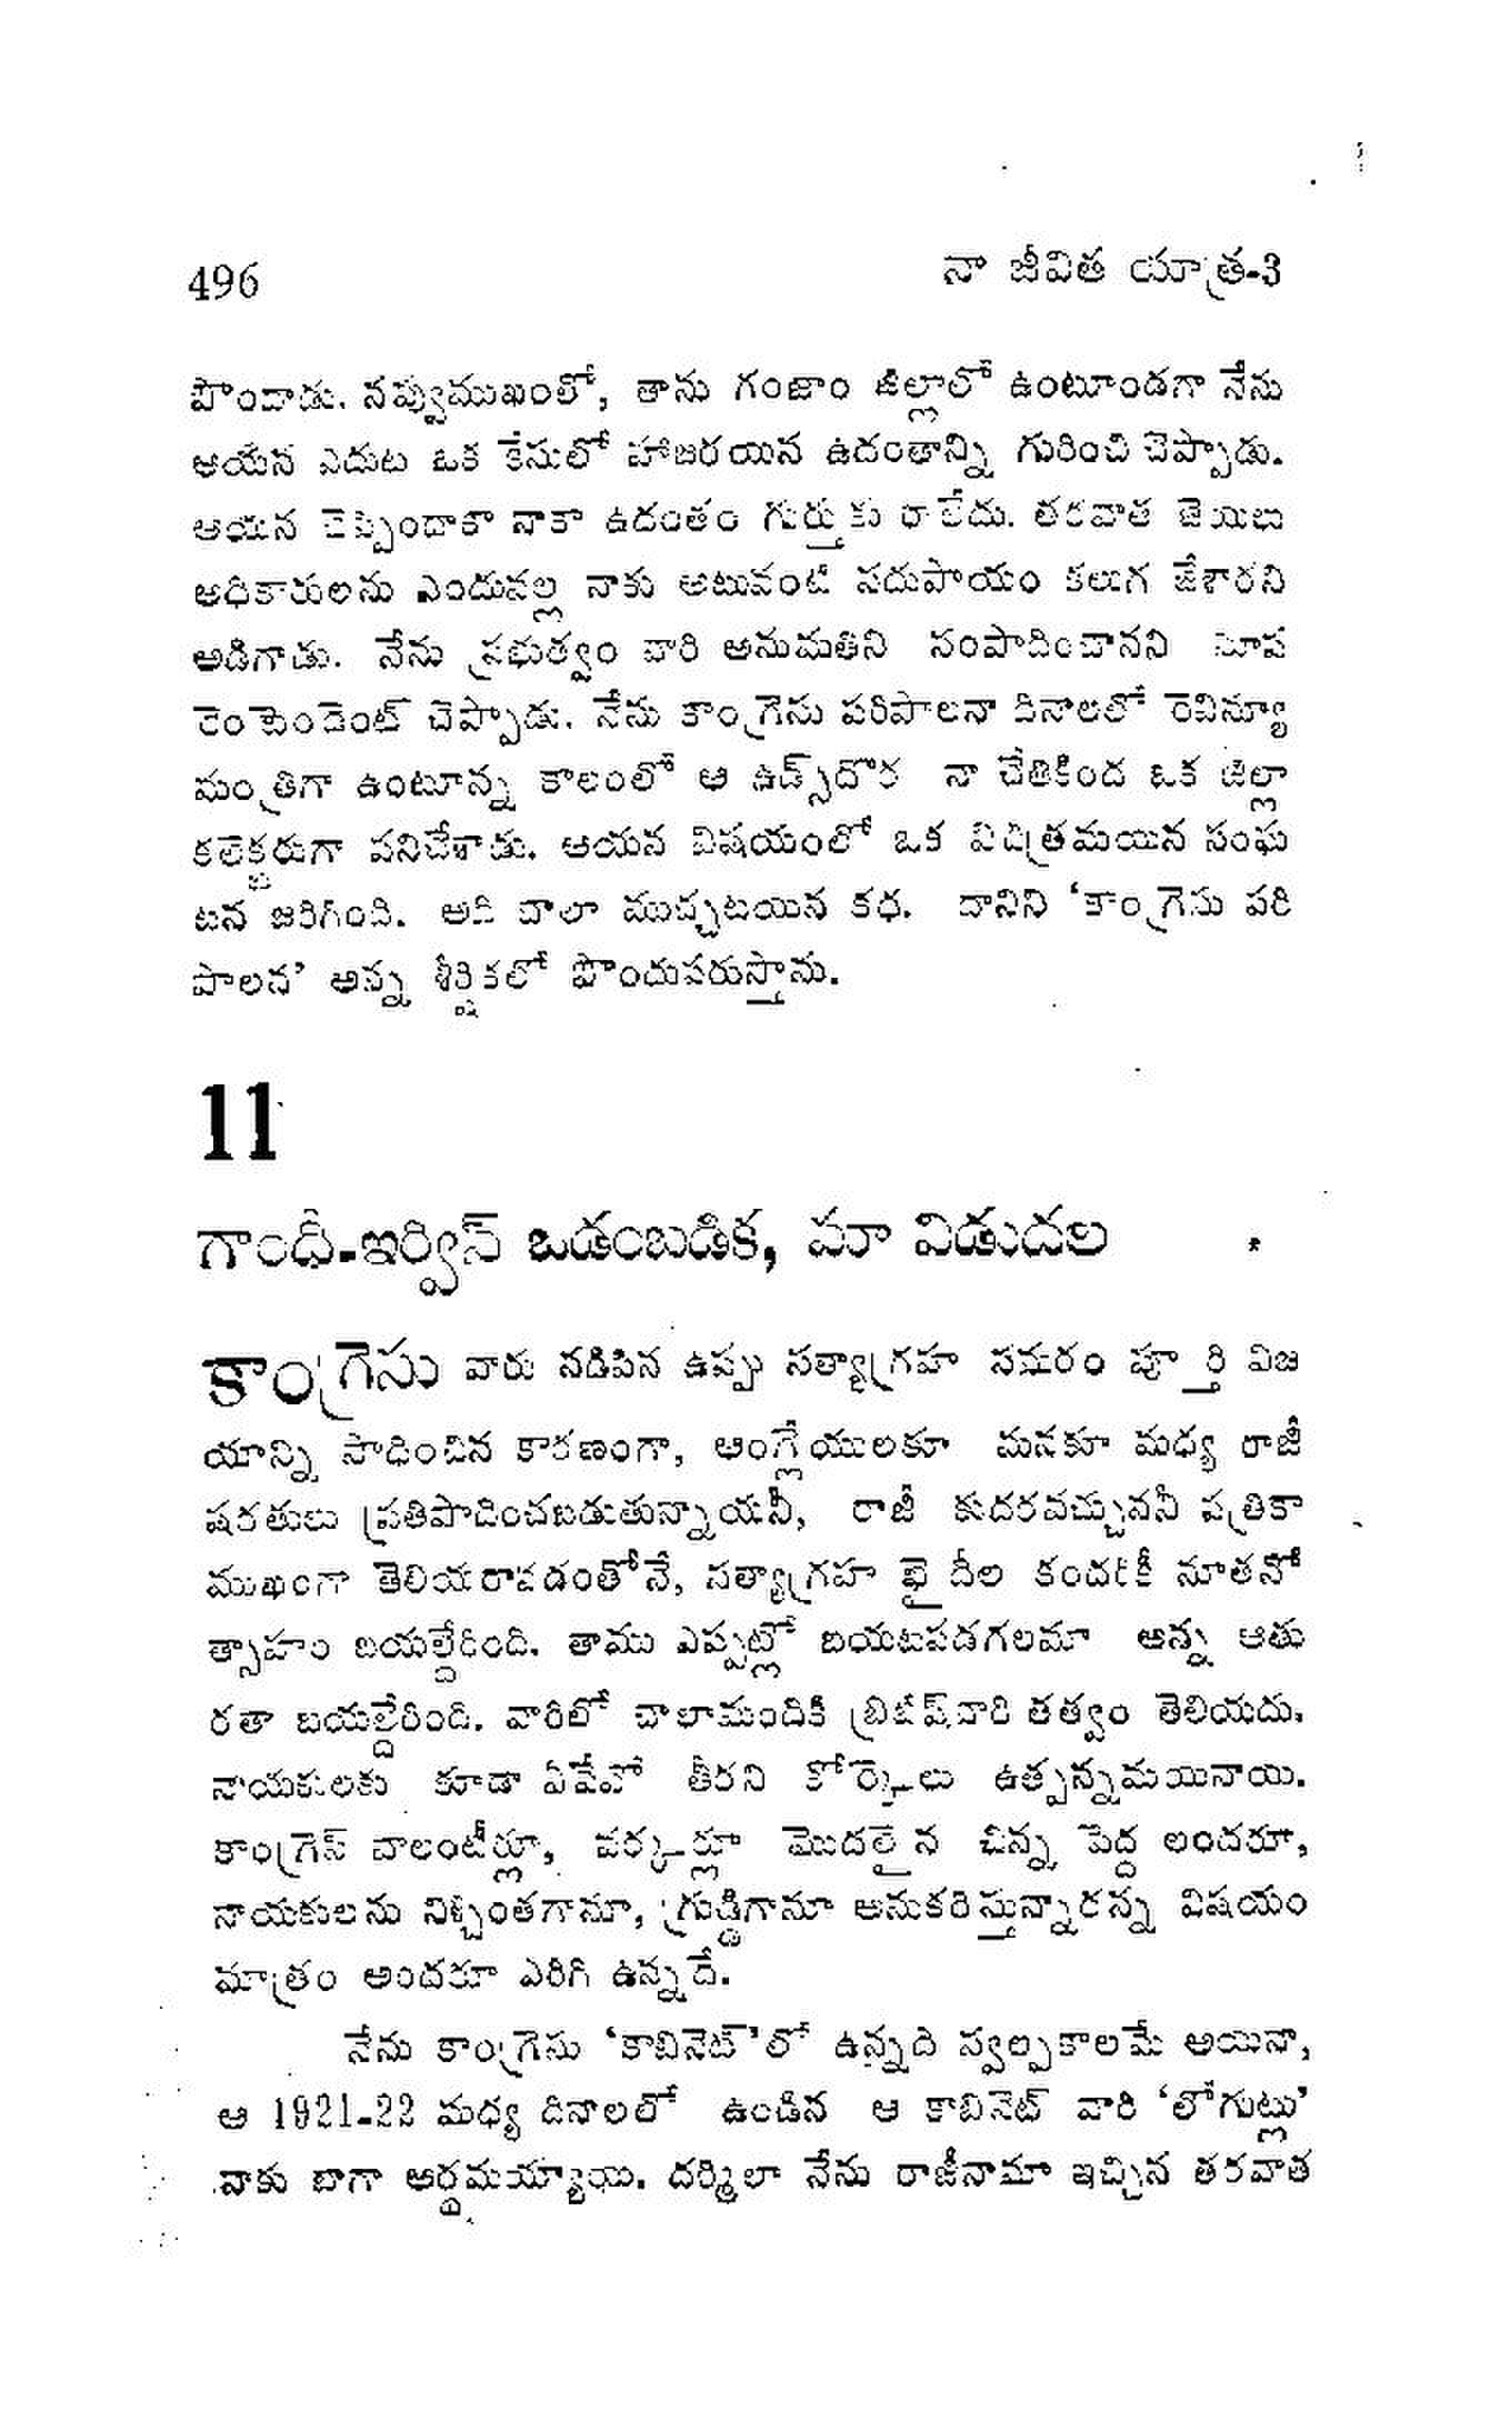పొందాడు. నవ్వుముఖంలో, తాను గంజాం జిల్లాలో ఉంటూండగా నేను ఆయన ఎదుట ఒక కేసులో హాజరయిన ఉదంతాన్ని గురించి చెప్పాడు. అయన చెప్పిందాకా నాకా ఉదంతం గుర్తుకు రాలేదు. తరవాత జెయిలు అధికారులను ఎందువల్ల నాకు అటువంటి సదుపాయల కలుగ జేశారని అడిగాడు. నేను ప్రభుత్వం వారి అనుమతిని సంపాదించానని సూపరింటెండెంట్ చెప్పాడు. నేను కాంగ్రెసు పరిపాలనా దినాలలో రెవిన్యూ మంత్రిగా ఉంటూన్న కాలంలో ఆ ఉడ్స్‌దొర నా చేతికింద ఒక జిల్లా కలెక్టరుగా పనిచేశాడు. ఆయన విషయంలో ఒక విచిత్రమయిన సంఘటన జరిగింది. అది చాలా ముచ్చటయిన కధ. దానిని 'కాంగ్రెసు పరిపాలన' అన్న శీర్షికలో పొందుపరుస్తాను.

కాంగ్రెసు వారు నడిపిన ఉప్పు సత్యాగ్రహ సమరం పూర్తి విజయాన్ని సాధించిన కారణంగా, ఆంగ్లేయులకూ మనకూ మధ్య రాజీ షరతులు ప్రతిపాదించబడుతున్నాయనీ, రాజీ కుదరవచ్చుననీ పత్రికా ముఖంగా తెలియరావడంతోనే, సత్యాగ్రహ ఖైదీల కందరికీ నూతనోత్సాహం బయల్దేరింది. తాము ఎప్పట్లో బయటపడగలమా అన్న ఆతురతా బయల్దేరింది. వారిలో చాలామందికి బ్రిటిష్‌వారి తత్వం తెలియదు. నాయకులకు కూడా ఏవేవో తీరని కోర్కెలు ఉత్పన్నమయినాయి. కాంగ్రెస్ వాలంటీర్లూ, వర్కర్లూ మొదలైన చిన్న పెద్ద లందరూ, నాయకులను నిశ్చింతగానూ, గ్రుడ్డిగానూ అనుకరిస్తూన్నారన్న విషయం మాత్రం అందరూ ఎరిగి ఉన్నదే.

నేను కాంగ్రెసు 'కాబినెట్‌'లో ఉన్నది స్వల్పకాలమే అయినా, అ 1921 - 22 మధ్య దినాలలో ఉండిన ఆ కాబినెట్ వారి 'లోగుట్లు' నాకు బాగా అర్థమయ్యాయి. దర్మిలా నేను రాజీనామా ఇచ్చిన తరవాత